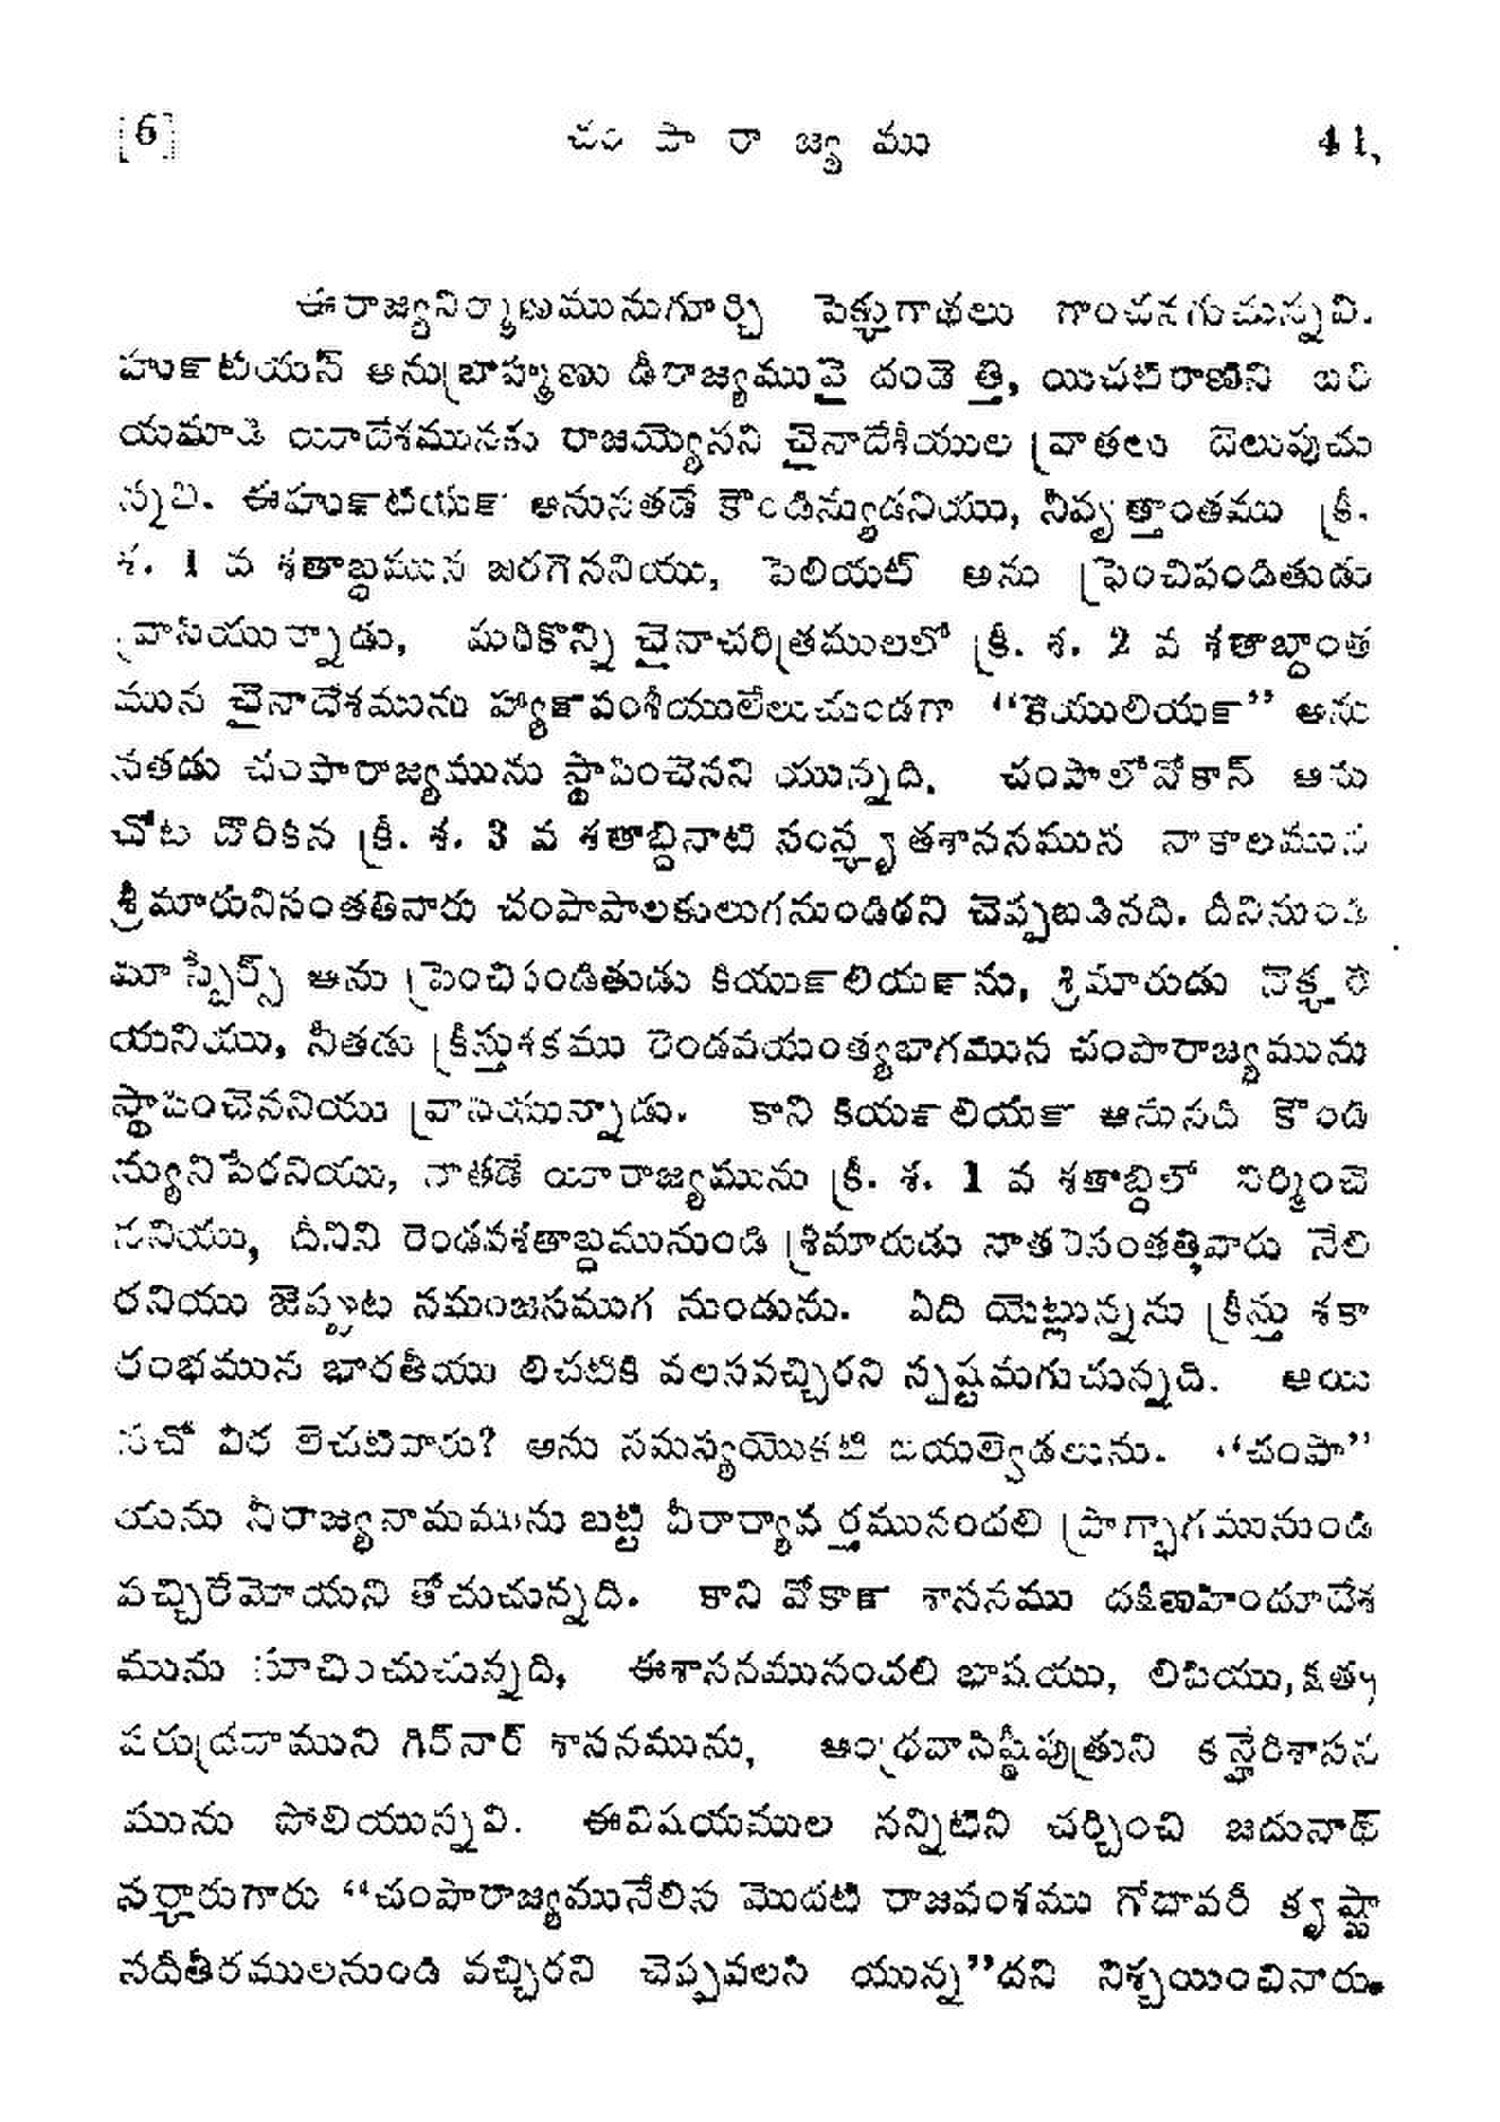ఈరాజ్యనిర్మాణమునుగూర్చి పెక్కుగాథలు గాంచనగుచున్నవి. హున్‌టియస్ అనుబ్రాహ్మణు డీరాజ్యముపై దండెత్తి, యిచటిరాణిని బరిణయమాడి యీదేశమునకు రాజయ్యెనని చైనాదేశీయుల వ్రాతలు దెలుపుచున్నవి. ఈహున్‌టియన్ అనునతడే కౌండిన్యుడనియు, నీవృత్తాంతము క్రీ. శ. 1 వ శతాబ్దమున జరగెననియు, పెలియట్ అను ఫ్రెంచిపండితుడు వ్రాసియున్నాడు. మరికొన్ని చైనాచరిత్రములలో క్రీ. శ. 2 వ శతాబ్దాంతమున చైనాదేశమును హ్యాన్‌వంశీయులేలుచుండగా "కెయులియన్" అను నతడు చంపారాజ్యమును స్థాపించెనని యున్నది. చంపాలోవోకాన్ అనుచోట దొరికిన క్రీ. శ. 3 వ శతాబ్దినాటి సంస్కృతశాసనమున నాకాలమున శ్రీమారునిసంతతివారు చంపాపాలకులుగనుండిరని చెప్పబడినది. దీనినుండి మాస్బేర్స్ అను ఫ్రెంచిపండితుడు కియున్‌లియన్‌ను, శ్రీమారుడు నొక్కరేయనియు, నీతడు క్రీస్తుశకము రెండవయంత్యభాగమున చంపారాజ్యమును స్థాపించెననియు వ్రాసియున్నాడు. కాని కియన్ లియన్ అనునది కౌండిన్యుని పేరనియు, నాతడే యీరాజ్యమును క్రీ. శ. 1 వ శతాబ్దిలో నిర్మించెననియు, దీనిని రెండవశతాబ్దమునుండి శ్రీమారుడు నాతనిసంతతివారు నేలిరనియు జెప్పుట సమంజసముగ నుండును. ఏది యెట్లున్నను క్రీస్తు శకారంభమున భారతీయు లిచటికి వలసవచ్చిరని స్పష్టమగుచున్నది. అయినచో వీర లెచటివారు? అను సమస్యయొకటి బయల్వెడలును. "చంపా" యను నీరాజ్యనామమును బట్టి వీరార్యావర్తమునందలి ప్రాగ్భాగమునుండి వచ్చిరేమోయని తోచుచున్నది. కాని వోకాన్ శాసనము దక్షిణహిందూదేశమును సూచించుచున్నది. ఈశాసనమునందలి భాషయు, లిపియు, క్షత్రపరుద్రదాముని గిర్‌నార్ శాసనమును, ఆంధ్రవాసిష్ఠీపుత్రుని కన్హేరిశాసనమును పోలియున్నవి. ఈవిషయముల నన్నిటిని చర్చించి జదునాథ్ సర్కారుగారు "చంపారాజ్యమునేలిన మొదటి రాజవంశము గోదావరీ కృష్ణా నదీతీరములనుండి వచ్చిరని చెప్పవలసి యున్న"దని నిశ్చయించినారు.